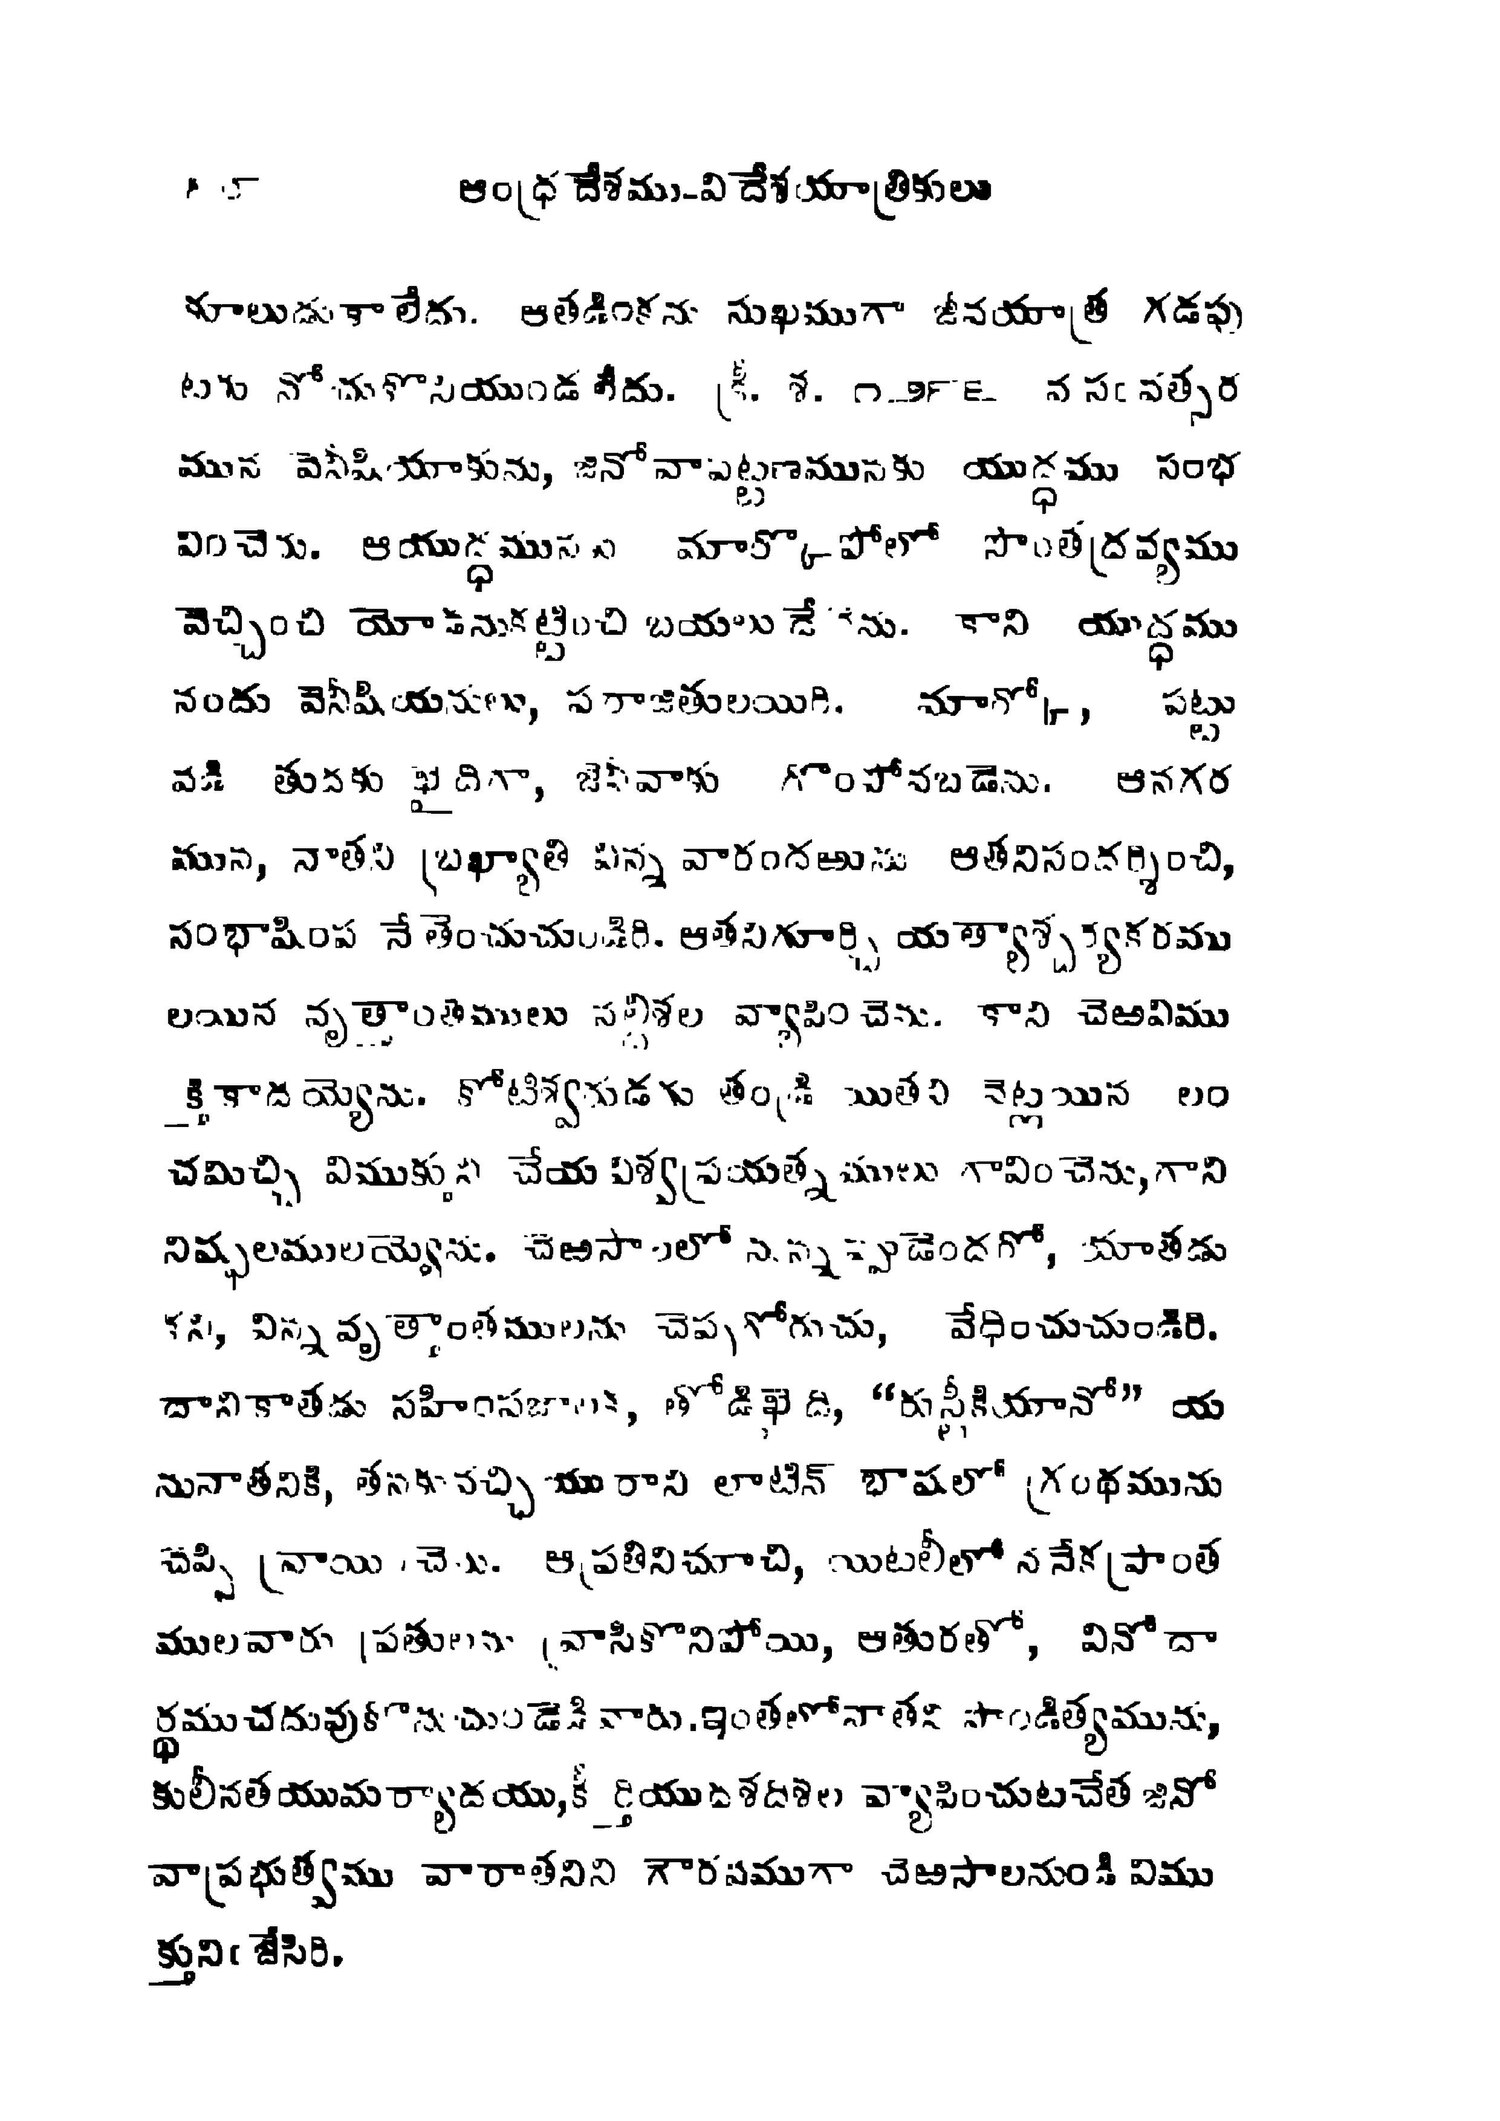కూలుడుకాలేదు. ఆతడింకను సుఖముగా జీవయాత్ర గడుపుటకు నోచుకొనియుండలేదు. క్రీ.శ. 1296 వ సంవత్సరమున వెనీషియాకును, జినోవాపట్టణమునకు యుద్ధము సంభవించెను. ఆయుద్ధముననె మార్కోపోలో సొంతద్రవ్యము వెచ్చించి యోడనుకట్టించి బయలుదేరెను. కాని యుద్ధమునందు వెనీషియనులు, పరాజితులయిరి. మార్కో, పట్టువడి తుదకు ఖైదిగా, జెనీవాకు గొంపోవబడెను. ఆనగరమున, నాతని బ్రఖ్యాతి విన్న వారందఱును ఆతనిసందర్శించి, సంభాషింప నేతెంచుచుండిరి. ఆతనిగూర్చి యత్యాశ్చర్యకరములయిన వృత్తాంతములు నల్దిశల వ్యాపించెను. కాని చెఱవిముక్తికాదయ్యెను. కోటీశ్వరుడగు తండ్రి యితని నెట్లయిన లంచమిచ్చి విముక్తుని చేయ విశ్వప్రయత్నములు గావించెను, గాని నిష్ఫలములయ్యెను. చెఱసాలలో నున్నప్పుడెందరో, యాతడుకని, విన్నవృత్తాంతములను చెప్పగోరుచు, వేధించుచుండిరి. దానికాతడు సహింపజాలక, తోడిఖైది, "రుస్టీకియానో" యనునాతనికి, తనకువచ్చియురాని లాటిన్ బాషలో గ్రంథమును చెప్పి వ్రాయించెను. ఆప్రతినిచూచి, యిటలీలో ననేకప్రాంతములవారు ప్రతులను వ్రాసికొనిపోయి, ఆతురతో, వినోదార్థము చదువుకొనుచుండెడివారు. ఇంతలోనాతని పాండిత్యమును, కులీనతయు మర్యాదయు, కీర్తియుదశదిశల వ్యాపించుటచేత జినోవాప్రభుత్వము వారాతనిని గౌరవముగా చెఱసాలనుండి విముక్తుని జేసిరి.